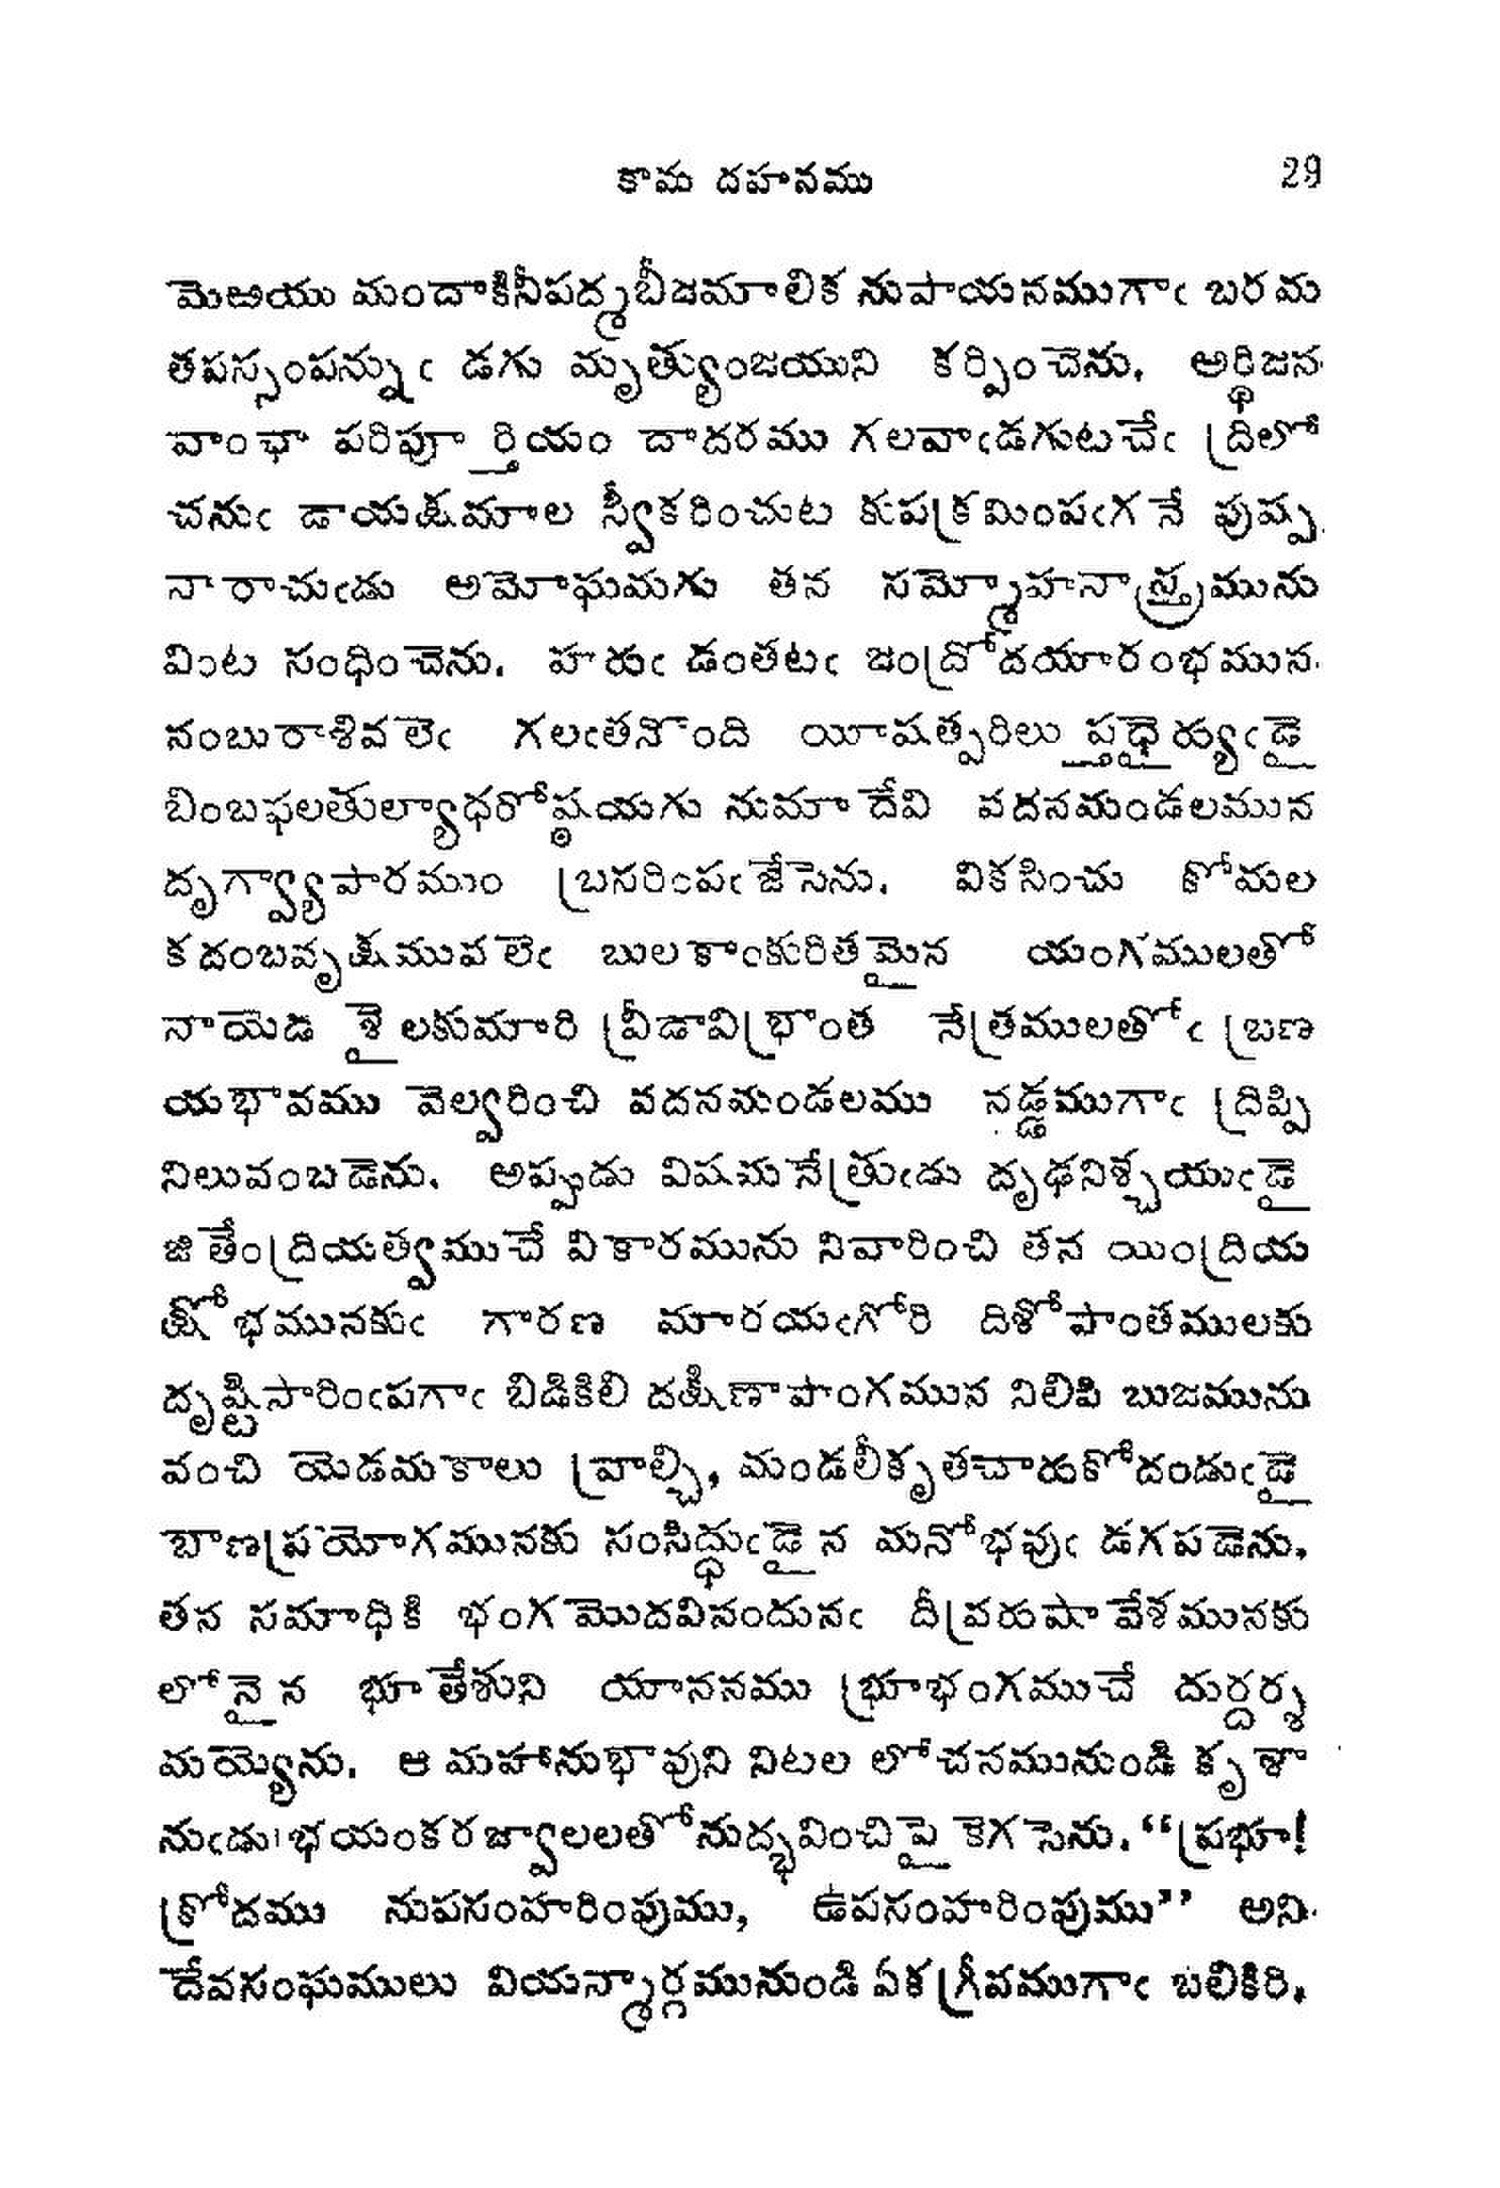మెఱయు మందాకినీపద్మబీజమాలిక నుపాయనముగాఁ బరమ తపస్సంపన్నుఁ డగు మృత్యుంజయుని కర్పించెను, అర్థిజన
వాంఛా పరిపూర్తియం దాదరము గలవాఁడగుటచేఁ ద్రిలోచనుఁ డాయక్షమాల స్వీకరించుట కుపక్రమింపఁగనే పుష్ప
నారాచుఁడు అమోఘమగు తన సమ్మోహనాస్త్రమును వింట సంధించెను. హరుఁ డంతటఁ జంద్రోదయారంభమున
నంబురాశివలెఁ గలఁతనొంది యీషత్పరిలు ప్తధైర్యుండై బింబఫలతుల్యాధరోష్ఠయగు నుమా దేవి వదనమండలమున
దృగ్వ్యాపారముం బ్రసరింపఁజేసెను. వికసించు కోమల కదంబవృక్షమువలెఁ బుల కాంకురితమైన యంగములతో
నాయెడ శైలకుమారి వ్రీడావిభ్రాంత నేత్రములతోఁ బ్రణయభావము వెల్వరించి వదనమండలము నడ్డముగాఁ ద్రిప్పి
నిలువంబడెను. అప్పుడు విషమనేత్రుఁడు దృఢనిశ్చయుఁడై జితేంద్రియత్వముచే వికారమును నివారించి తన యింద్రియ
క్షొభమునకుఁ గారణ మారయఁగోరి దిశో పాంతములకు దృష్టిసారింఁపగాఁ బిడికిలి దక్షిణా పొంగమున నిలిపి బుజమును
వంచి యెడమకాలు వ్రాల్చి, మండలీకృతచారు కోదండుఁడై బాణప్రయోగమునకు సంసిద్ధుఁడైన మనోభవుఁ డగపడెను,
తన సమాధికి భంగ మొదవినందునఁ దీవ్రరుషావేశమునకు లోనైన భూతేశుని యాననము భ్రూభంగముచే దుర్దర్శమయ్యెను. ఆమహానుభావుని నిటల లోచనమునుండి కృశానుఁడు భయంకరజ్వాలలతోనుద్భవించిపై కెగసెను. "ప్రభూ! క్రోదము నుపసంహరింపుము, ఉపసంహరింపుము" అని. దేవసంఘములు వియన్మార్గమునుండి ఏక గ్రీవముగాఁ బలికిరి,